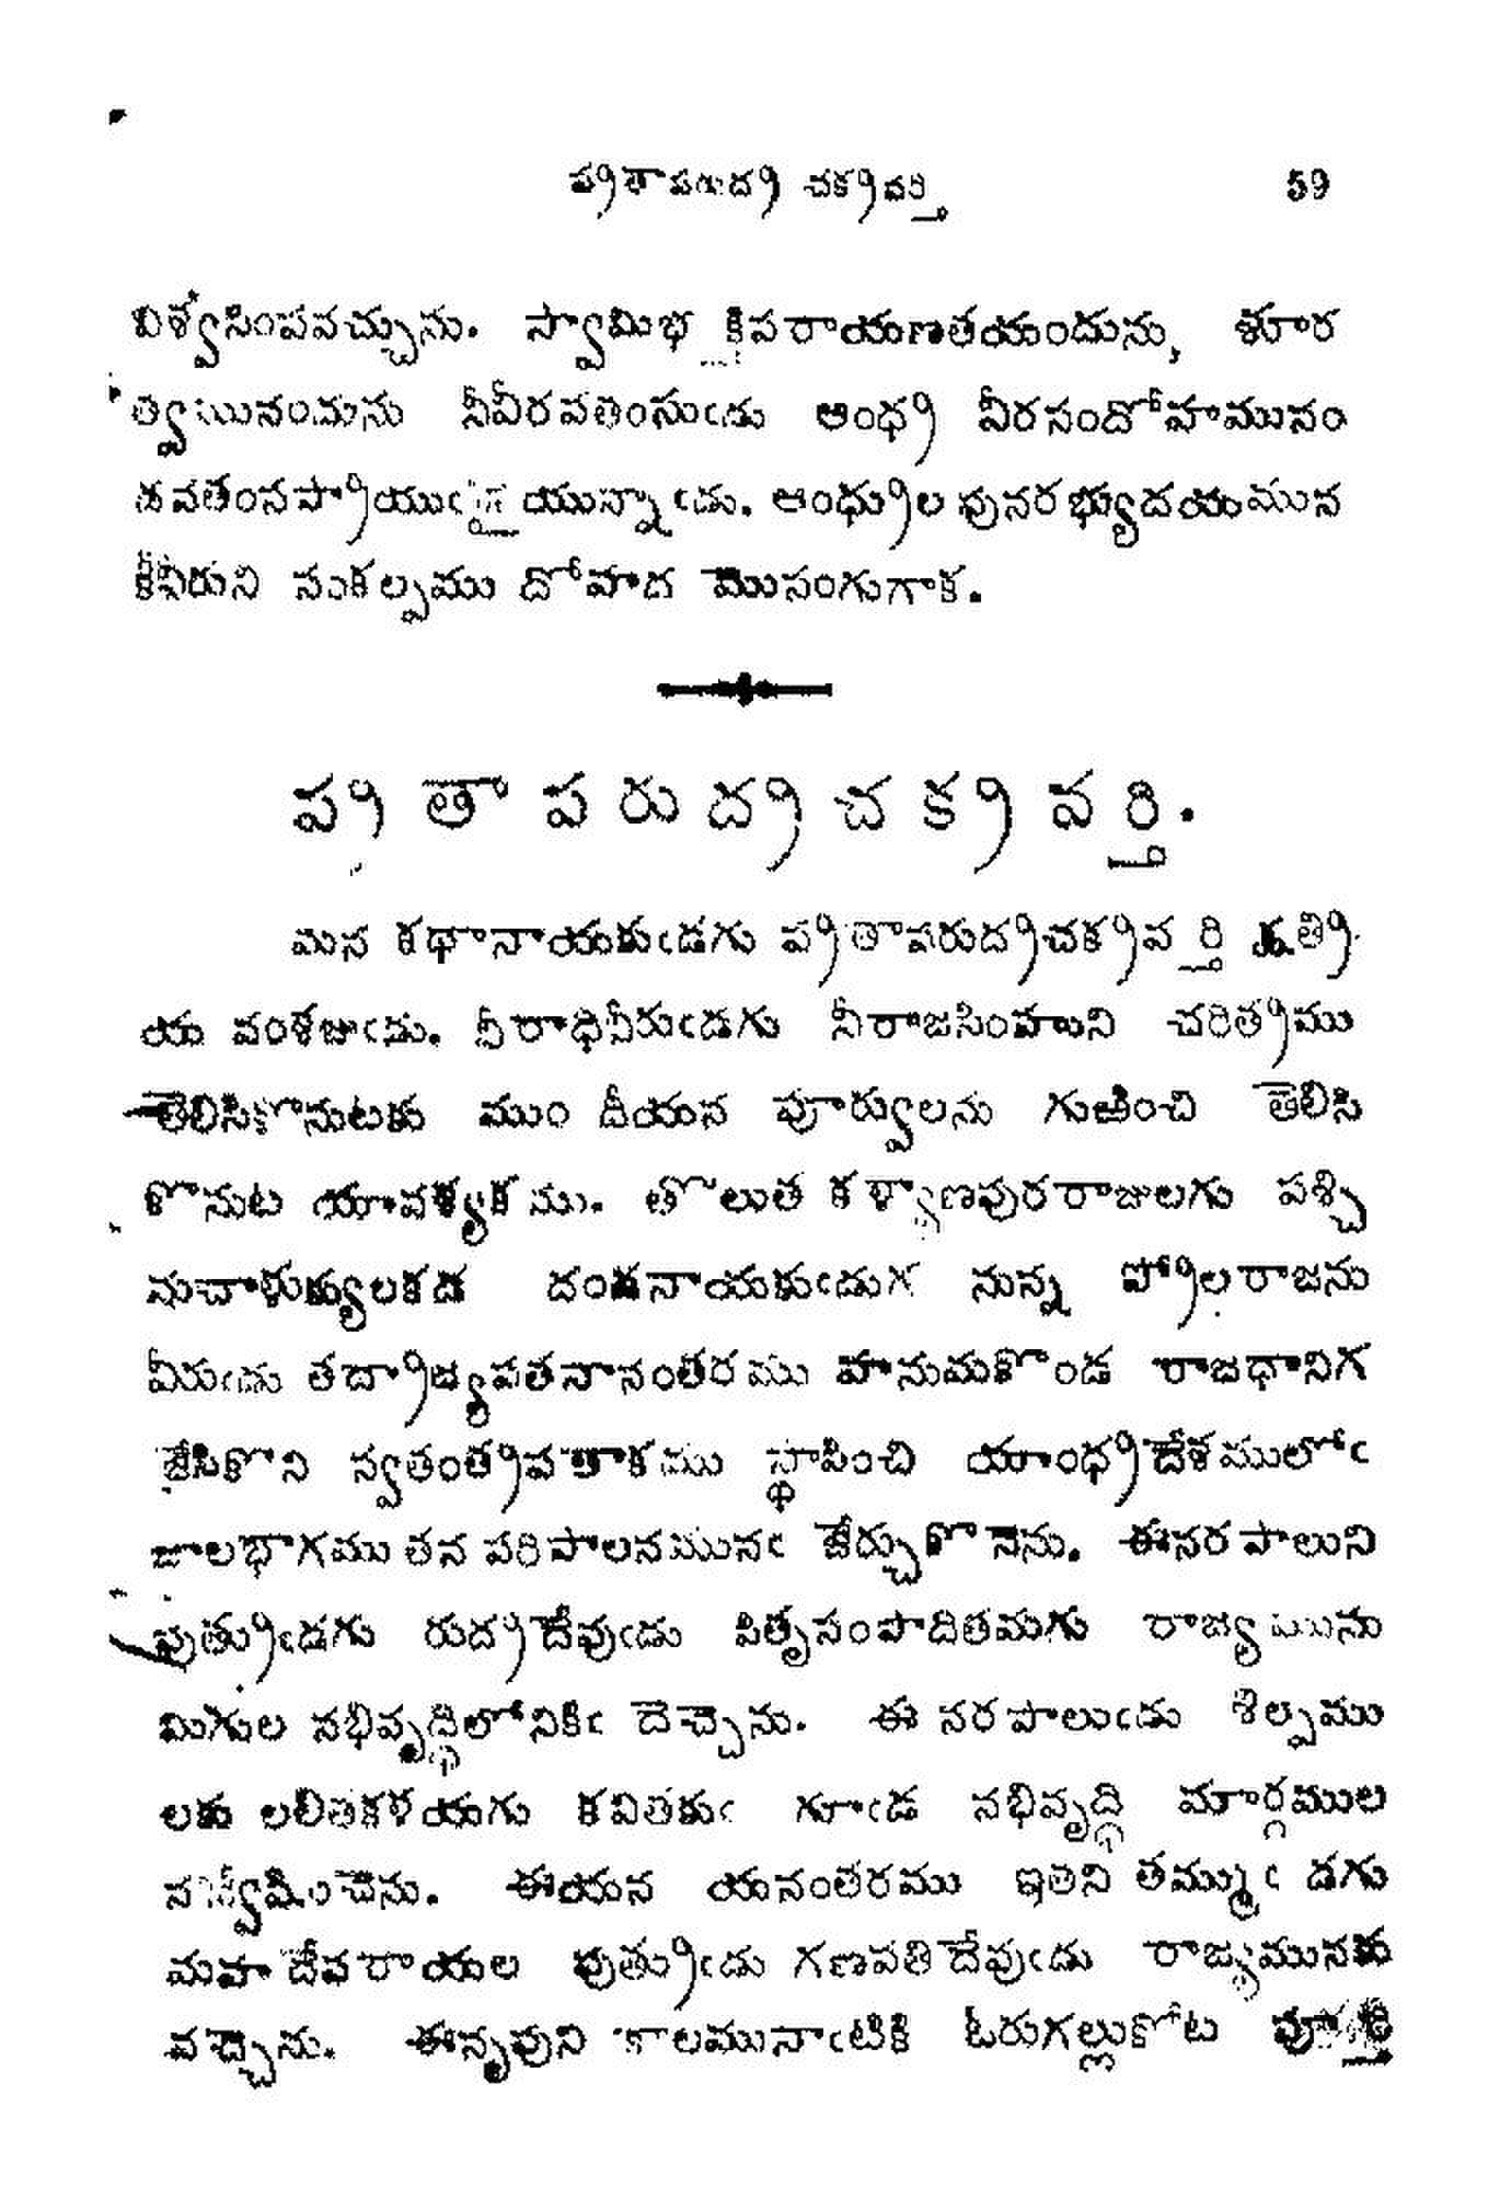విశ్వసింపవచ్చును. స్వామిభక్తిపరాయణతయందును. శూరత్వమునందును నీవీరవతంసుడు ఆంధ్ర వీరసందోహమునందవతంసప్రాయుడై యున్నాడు. ఆంధ్రుల పునరభ్యుదయమున కీవీరుని సంకల్పము దోహద మొసంగుగాక.

______

మన కథానాయకుడగు ప్రతాపరుద్రచక్రవర్తి క్షత్రియ వంశజుడు. వీరాధివీరుడగు నీరాజసింహుని చరిత్రము తెలిసికొనుటకు ముం దీయన పూర్వులను గుఱించి తెలిసికొనుట యావశ్యకము. తొలుత కళ్యాణపురరాజులగు పశ్చిమచాళుక్యులకడ దండనాయకుడుగ నున్న ప్రోలరాజను వీరుడు తద్రాజ్యపతనానంతరము హనుమకొండ రాజధానిగా జేసికొని స్వతంత్రపతాకము స్థాపించి యాంధ్రదేశములో జాలభాగము తన పరిపాలనమున జేర్చుకొనెను. ఈనరపాలుని పుత్రుడగు రుద్రదేవుడు పితృసంపాదితమగు రాజ్యమును మిగుల నభివృద్ధిలోనికి దెచ్చెను. ఈ నరపాలుడు శిల్పములకు లలితకళయగు కవితకు గూడ నభివృద్ధి మార్గముల నన్వేషించెను. ఈయన యనంతరము ఇతని తమ్ము డగు మహ దేవరాయల పుత్రుడు గణపతి దేవుడు రాజ్యమునకు వచ్చెను. ఈనృపుని కాలమునాటికి ఓరుగల్లుకోట పూర్తి